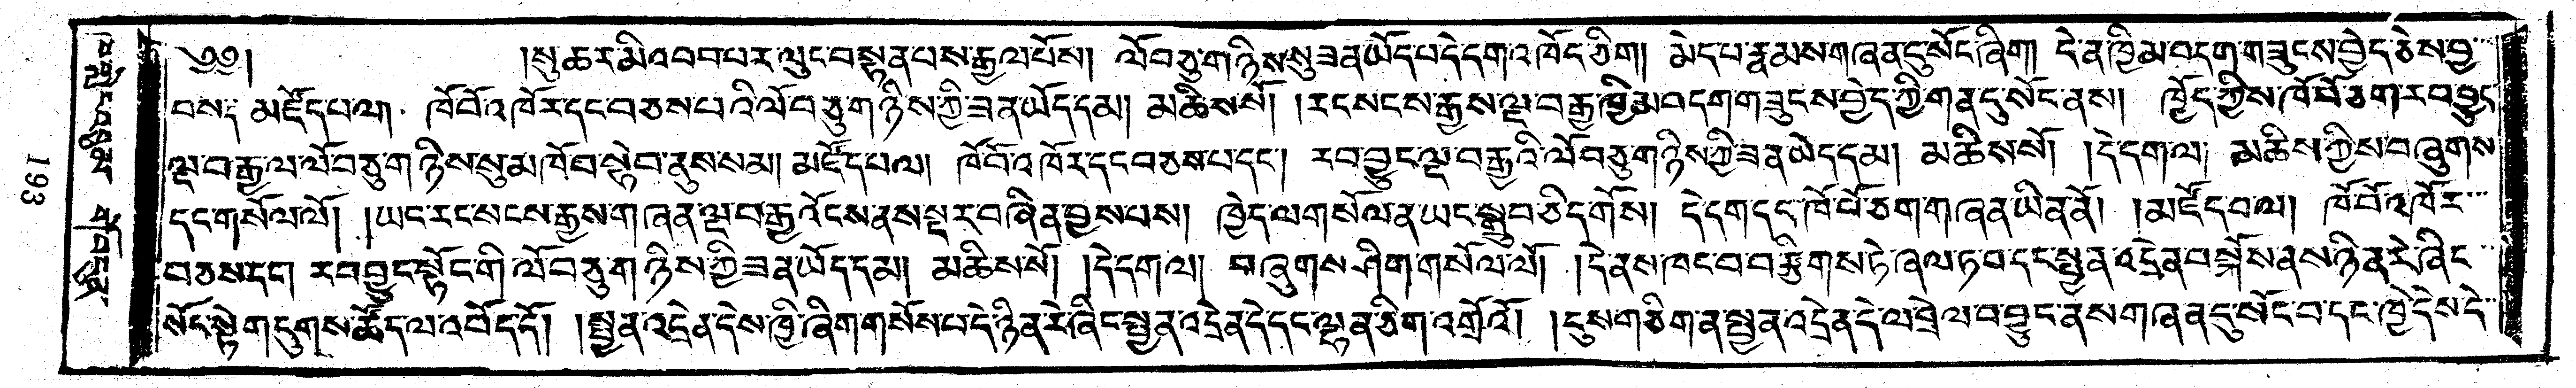༄༅། །སུ་ཆར་མི་འབབ་པར་ལུང་བསྟན་པས་རྒྱལ་པོས། ལོ་བཅུ་གཉིས་སུ་ཟན་ཡོད་པ་དེ་དག་འཁོད་ཅིག། མེད་པ་རྣམས་གཞན་དུ་སོང་ཞིག། དེ་ན་ཁྱིམ་བདག་གཟུངས་བྱེད་ཅེས་བྱ་
བས༑ མཛོད་པ་ལ། ཁོ་བོ་འཁོར་དང་བཅས་པའི་ལོ་བཅུ་གཉིས་ཀྱི་ཟན་ཡོད་དམ། མཆིས་སོ། །རང་སངས་རྒྱས་ལྔ་བརྒྱ་ཁྱིམ་བདག་གཟུངས་བྱེད་ཀྱི་གན་དུ་སོང་ནས། ཁྱོད་ཀྱིས་ཁོ་བོ་ཅག་རབ་བྱུང་
ལྔ་བརྒྱ་ལ་ལོ་བཅུ་གཉིས་སུ་མཁོ་བ་སྟེབ་ནུས་སམ། མཛོད་པ་ལ། ཁོ་བོ་འཁོར་དང་བཅས་པ་དང་། རབ་བྱུང་ལྔ་བརྒྱའི་ལོ་བཅུ་གཉིས་ཀྱི་ཟན་ཡེད་དམ། མཆིས་སོ། །དེ་དག་ལ། མཆིས་ཀྱིས་བཞུགས་
དང་གསོལ་ལོ། །ཡང་རང་སངས་རྒྱས་གཞན་ལྔ་བརྒྱ་འོངས་ནས་སྔར་བཞིན་བྱས་པས། ཁྱེད་ལ་གསོལ་ན་ཡང་སྒྲུབ་ཅི་དགོས། དེ་དག་དང་ཁོ་བོ་ཅག་གཞན་ཡིན་ནོ། །མཛོད་པ་ལ། ཁོ་བོ་འཁོར་
བཅས་དང་། རབ་བྱུང་སྟོང་གི་ལོ་བཅུ་གཉིས་ཀྱི་ཟན་ཡོད་དམ། མཆིས་སོ། །དེ་དག་ལ། བཞུགས་ཤིག་གསོལ་ལོ། །དེ་ནས་ཁང་བ་བརྩིགས་ཏེ་ཞལ་ཏ་བ་དང་སྤྱན་འདྲེན་བསྐོས་ནས་ཉིན་རེ་ཞིང་
སོང་སྟེ་གདུགས་ཚོད་ལ་འབོད་དོ། །སྤྱན་འདྲེན་དེས་ཁྱི་ཞིག་གསོས་པ་དེ་ཉིན་རེ་ཞིང་སྤྱན་འདྲེན་དེ་དང་ལྷན་ཅིག་འགྲོའོ། །དུས་གཅིག་ན་སྤྱན་འདྲེན་དེ་ལ་བྲེལ་བ་བྱུང་ནས་གཞན་དུ་སོང་བ་དང་ཁྱེ་དེས་དེ་